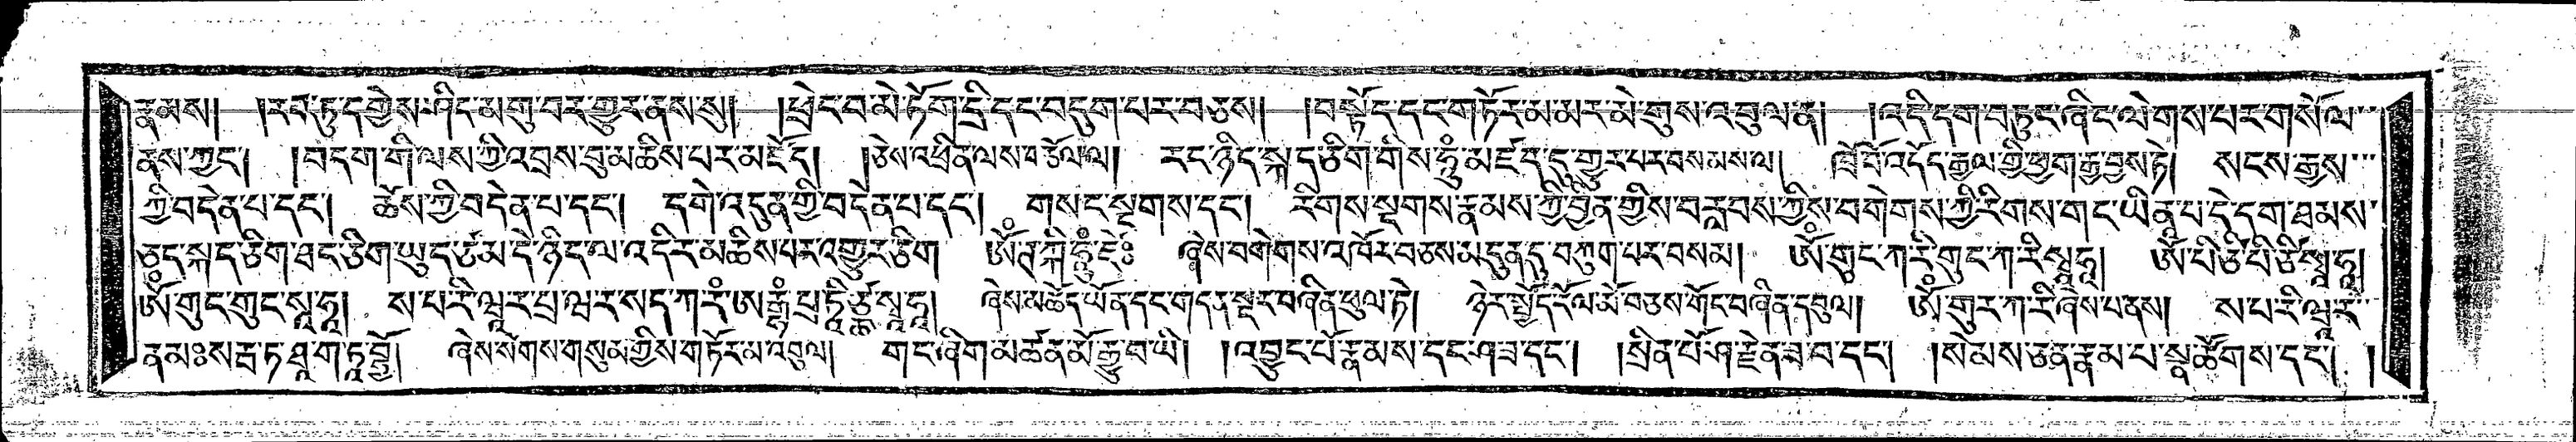རྣམས། །རབ་ཏུ་དགྱེས་ཤིང་མགུ་བར་གྱུར་ནས་སུ། །ཕྲེང་བ་མེ་ཏོག་དྲི་དང་བདུག་པར་བཅས། །བསྟོད་དང་གཏོར་མ་མར་མེ་གུས་འབུལ་ན། །འདི་དག་བཏུང་ཞིང་ལེགས་པར་གསོལ་
ནས་ཀྱང་། །བདག་གི་ལས་ཀྱི་འབྲས་བུ་མཆིས་པར་མཛོད། །ཅེས་འཕྲིན་ལས་བཅོལ་ལ། རང་ཉིད་སྐད་ཅིག་གིས་ཧཱུཾ་མཛད་དུ་གྱུར་པར་བསམས་ལ། ཁྲོ་བོ་འདོད་རྒྱལ་གྱི་ཕྱག་རྒྱ་བྱས་ཏེ། སངས་རྒྱས་
ཀྱི་བདེན་པ་དང་། ཆོས་ཀྱི་བདེན་པ་དང་། དགེ་འདུན་གྱི་བདེན་པ་དང་། གསང་སྔགས་དང་། རིགས་སྔགས་རྣམས་ཀྱི་བྱིན་གྱིས་བརླབས་ཀྱིས་བགེགས་ཀྱི་རིགས་གང་ཡིན་པ་དེ་དག་ཐམས་
ཅད་སྐད་ཅིག་ཐང་ཅིག་ཡུད་ཙམ་དེ་ཉིད་ལ་འདིར་མཆིས་པར་འགྱུར་ཅིག་ཨོཾ་ཊཀྐི་ཧཱུཾ་ཛེཿ ཞེས་བགེགས་འཁོར་བཅས་མདུན་དུ་བཀུག་པར་བསམ། ཨོཾ་གུང་ཀ་རི་གུང་ཀ་རིསྭཱ་ཧཱ། ཨོཾ་པི་ཙི་པི་ཙི་སྭཱ་ཧཱ།
ཨོཾ་གུང་གུང་སཱ་ཧཱ། ས་པ་རི་ཝཱ་ར་པྲ་ཝ་ར་སད་ཀ་རཾ་ཨརྒྷཾ་པྲ་ཏཱི་ཙྪ་སྭཱ་ཧཱ། ཞེས་མཆོད་ཡོན་དང་གདན་སྔར་བཞིན་ཕུལ་ཏེ། ཉེར་སྤྱོད་རོལ་མོ་བཅས་གོང་བཞིན་དབུལ། །ཨོཾ་གུར་ཀ་རི་ཞེས་པ་ནས། ས་པ་རི་ཝཱ་ར་
ནམཿ སརྦ་ཏ་ཐཱ་ག་ཏཱ་བྷྱོ། ཞེས་སོགས་གསུམ་གྱིས་གཏོར་མ་འབུལ། གང་ཞིག་མཚན་མོ་རྒྱུ་བ་ཡི། །འབྱུང་པོ་རྣམས་དང་ཤ་ཟ་དང་། །སྲིན་པོ་ཤ་རྗེན་ཟ་བ་དང་། །སེམས་ཅན་རྣམ་པ་སྣ་ཚོགས་དང་། །